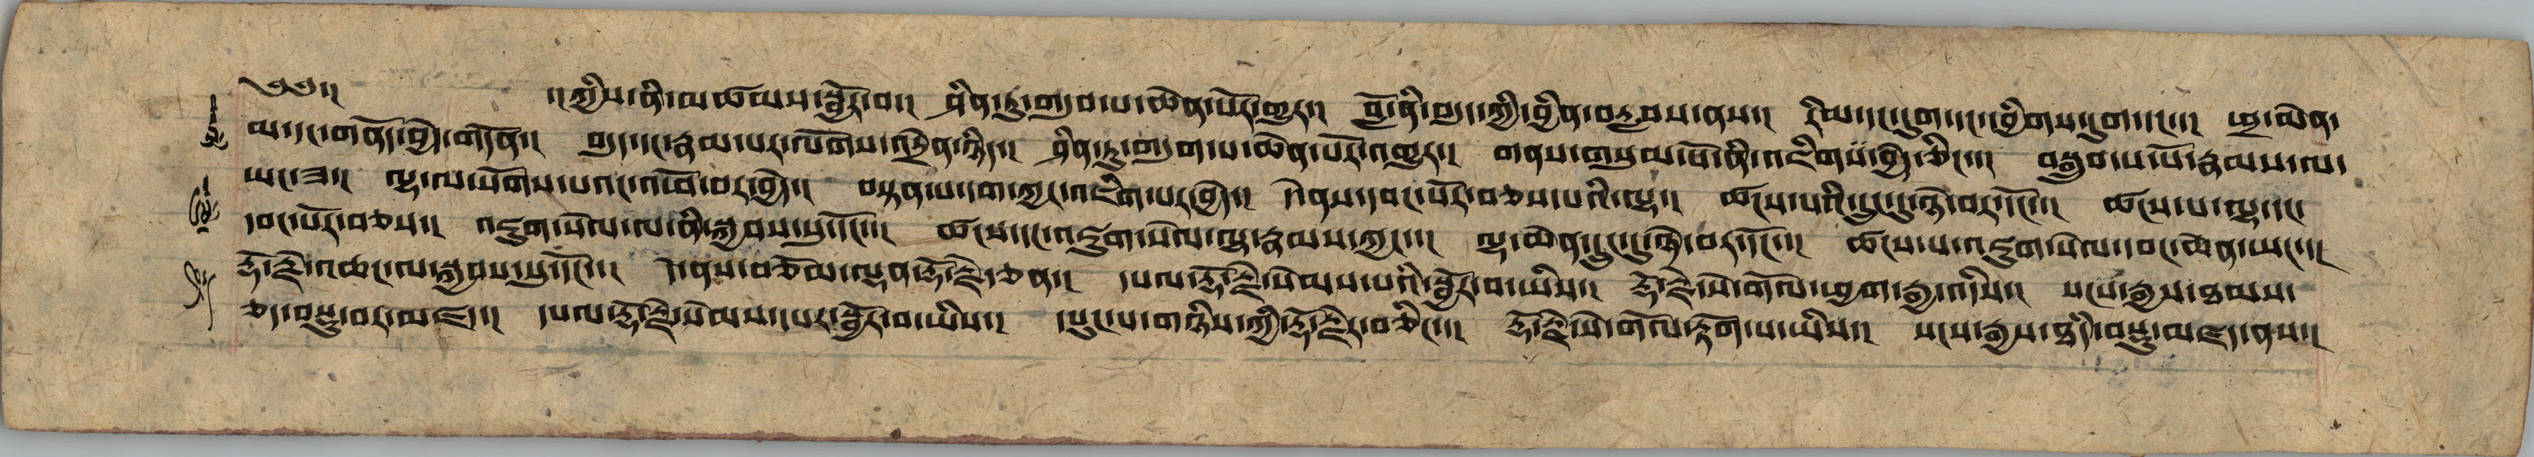༄༅་། ་།ཀྱིས་ནི་མཚམས་སྦྱོར་བ་། ཤིན་ཏུ་གདུབ་པ་ཆེན་པོར་གྱུར་། བློ་ནི་བདུད་ཀྱི་བྱིན་བརླབས་ནས་། རིམ་དང་དུག་དང་དབྱིགས་དུག་དང་་། ཕྲ་མེན་
མ་དང་གནོད་བྱེད་གདོན་། བདུད་དང་རྣམ་པར་ལོགས་འདྲེན་ཉིད་། ཤིན་ཏུ་གདུག་པ་ཆེན་པོར་འགྱུར་། གནས་གསུམ་པོ་ནི་འཇིགས་བྱེད་ཅིང་་། བསྒྲུབ་པ་པོ་རྣམས་ལ་
ཡང་ཟ་། ལྷ་ལ་སོགས་པའང་འཕོ་བར་བྱེད་། བསྟན་པ་དག་ཀྱང་འཇིག་པར་བྱེད་། དེ་ནས་དབང་པོར་བཅས་པའི་ལྷ་། ཚངས་པའི་དྲུང་དུ་ཉེ་བར་དངོས་། ཚངས་པ་ལྷ་དང་
དབང་པོར་བཅས་། འཇུག་སེལ་ལ་ནི་སྐྱབས་སུ་དོང་་། ཚངས་དང་འཇུག་སེལ་ལྷ་རྣམས་ཀྱང་་། ལྷ་ཆེན་དྲུང་དུ་ཉེ་བར་དངོས་་། ཚངས་པ་འཇུག་སེལ་དབང་ཆེན་ཡང་་།
རྡོ་རྗེ་འཆང་ལ་སྐྱབས་སུ་དོང་་། དེ་ནས་བཅོམ་ལྡན་རྡོ་རྗེ་ཅན་། དཔལ་རྡོ་རྗེ་སེམས་པའི་སྦྱོར་བ་ཡིས་། རྡོ་རྗེ་སེ་གོལ་ཕྱག་རྒྱ་འདིས་། སངས་རྒྱས་ཐམས་
ཅད་བསྡུ་བར་མཛད་། དཔལ་རྡོ་རྗེ་སེམས་དཔར་སྦྱོར་་བ་ཡིས་། དཔུང་པ་གཉིས་ཀྱི་རྡོ་རྗེར་བཅིང་་། རྡོ་རྗེ་སེ་གོལ་རྟོག་པ་ཡིས་། སངས་རྒྱས་ཐཾད་བསྡུ་མཛད་ནས་།